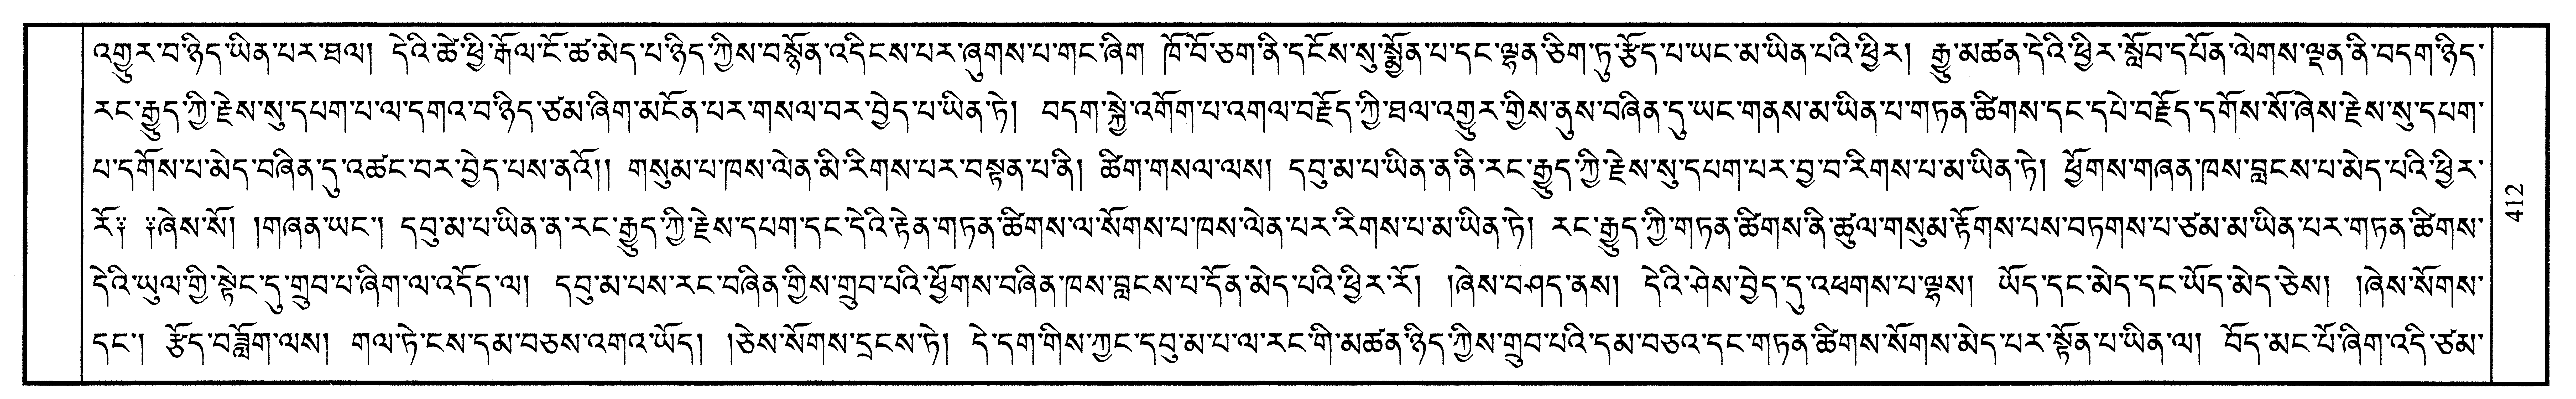འགྱུར་བ་ཉིད་ཡིན་པར་ཐལ། དེའི་ཚེ་ཕྱི་རྒོལ་ངོ་ཚ་མེད་པ་ཉིད་ཀྱིས་བསྙོན་འདིངས་པར་ཞུགས་པ་གང་ཞིག །ཁོ་བོ་ཅག་ནི་དངོས་སུ་སྨྱོན་པ་དང་ལྷན་ཅིག་ཏུ་རྩོད་པ་ཡང་མ་ཡིན་པའི་ཕྱིར། རྒྱུ་མཚན་དེའི་ཕྱིར་སློབ་དཔོན་ལེགས་ལྡན་ནི་བདག་ཉིད་
རང་རྒྱུད་ཀྱི་རྗེས་སུ་དཔག་པ་ལ་དགའ་བ་ཉིད་ཙམ་ཞིག་མངོན་པར་གསལ་བར་བྱེད་པ་ཡིན་ཏེ། བདག་སྐྱེ་འགོག་པ་འགལ་བརྗོད་ཀྱི་ཐལ་འགྱུར་གྱིས་ནུས་བཞིན་དུ་ཡང་གནས་མ་ཡིན་པ་གཏན་ཚིགས་དང་དཔེ་བརྗོད་དགོས་སོ་ཞེས་རྗེས་སུ་དཔག་
པ་དགོས་པ་མེད་བཞིན་དུ་འཚང་བར་བྱེད་པས་ནའོ། །གསུམ་པ་ཁས་ལེན་མི་རིགས་པར་བསྟན་པ་ནི། ཚིག་གསལ་ལས། དབུ་མ་པ་ཡིན་ན་ནི་རང་རྒྱུད་ཀྱི་རྗེས་སུ་དཔག་པར་བྱ་བ་རིགས་པ་མ་ཡིན་ཏེ། ཕྱོགས་གཞན་ཁས་བླངས་པ་མེད་པའི་ཕྱིར་
རོ༑ ༑ཞེས་སོ། །གཞན་ཡང་། དབུ་མ་པ་ཡིན་ན་རང་རྒྱུད་ཀྱི་རྗེས་དཔག་དང་དེའི་རྟེན་གཏན་ཚིགས་ལ་སོགས་པ་ཁས་ལེན་པར་རིགས་པ་མ་ཡིན་ཏེ། རང་རྒྱུད་ཀྱི་གཏན་ཚིགས་ནི་ཚུལ་གསུམ་རྟོགས་པས་བཏགས་པ་ཙམ་མ་ཡིན་པར་གཏན་ཚིགས་
དེའི་ཡུལ་གྱི་སྟེང་དུ་གྲུབ་པ་ཞིག་ལ་འདོད་ལ། དབུ་མ་པས་རང་བཞིན་གྱིས་གྲུབ་པའི་ཕྱོགས་བཞིན་ཁས་བླངས་པ་དོན་མེད་པའི་ཕྱིར་རོ། །ཞེས་བཤད་ནས། དེའི་ཤེས་བྱེད་དུ་འཕགས་པ་ལྷས། ཡོད་དང་མེད་དང་ཡོད་མེད་ཅེས། །ཞེས་སོགས་
དང་། རྩོད་བཟློག་ལས། གལ་ཏེ་ངས་དམ་བཅས་འགའ་ཡོད། །ཅེས་སོགས་དྲངས་ཏེ། དེ་དག་གིས་ཀྱང་དབུ་མ་པ་ལ་རང་གི་མཚན་ཉིད་ཀྱིས་གྲུབ་པའི་དམ་བཅའ་དང་གཏན་ཚིགས་སོགས་མེད་པར་སྟོན་པ་ཡིན་ལ། བོད་མང་པོ་ཞིག་འདི་ཙམ་